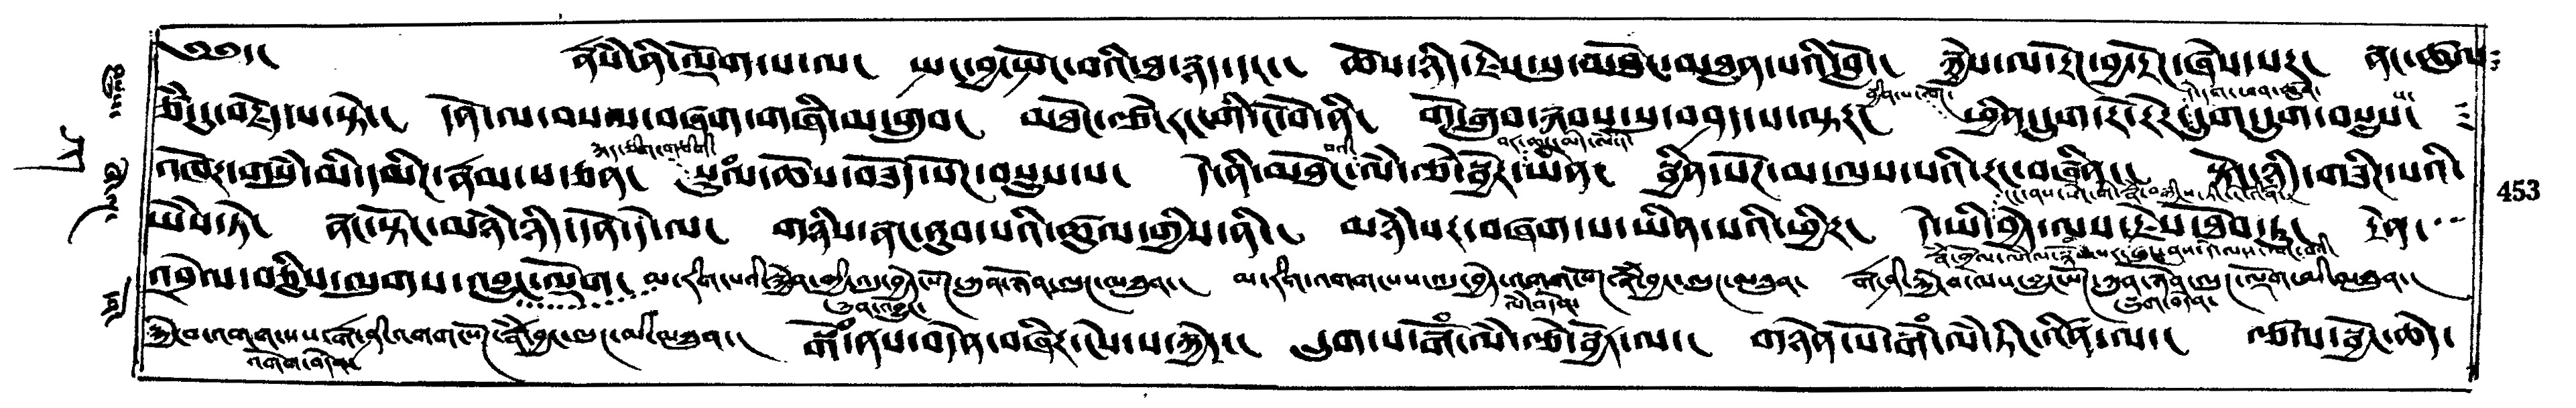རྣམས་ནི་ལྡོག་པ་ལ། །སྤང་བྱ་སྤོང་བའི་ཐ་སྙད་དང་། །ཆོས་ཉིད་རྗེས་སུ་མཐུན་པའི་བློ། །སྐྱེས་ལ་རྟོགས་བྱ་རྟོགས་ཞེས་པར། །སྣང་ཚུལ་
ཙམ་དུ་བརྗོད་པ་སྟེ། །དོན་ལ་བསལ་བཞག་གཞི་མ་གྲུབ། །མཐོང་རྩེ་རང་གི་ངོ་བོ་ནི། །གོ་སྒྲུབ་སྐབས་སུ་བཤད་པ་ལྟར།། སྦྱིན་པ་ལ་སོགས་ཕྱིན་དྲུག་རེ་རེ་དེ་དག་ཕན་ཚུན་དྲུག་དྲུག་བསྡུས། །
འཁོར་གསུམ་མི་དམིགས་རྣམ་པ་ཅན།། སྐད་ཅིག་གཅིག་གི་སྡུག་བསྔལ་ཆོས་བཟོད་སོགས་བསྡུས་པ། །དེ་ནི་མཐོང་བའི་ལམ་བར་ཆད་མེད་ལམ་དེ། རྩེ་སྦྱོར་ཡིན། །སྦྱིན་སོགས་མ་ལུས་པའི་རང་བཞིན། །སྟོང་ཉིད་གཟིགས་པའི་
ཡེ་ཤེས་ཏེ། །སྣང་སྟོང་མཉམ་ཉིད་དོན་དེ་ལ། །གཉིས་སྣང་ནུབ་པའི་ཚུལ་གྱིས་ནི། །མཉམ་པར་བཞག་པ་ཡིན་པའི་ཕྱིར། །དེ་ཡི་ངང་ནས་སེང་གེ་རྣམ་བསྒྱིངས་ཏིང་ངེ་འཛིན་བྱེད་ལས་རྣམ་གྲོལ་ལམ་ལ་སྙོམས་པར་ཞུགས་ནས་དེ་ལས་ལང་བའི་རྗེས་ཐོབ་ཏུ། །རྟེན་
འབྲེལ་བཅུ་གཉིས་ལུགས་འབྱུང་ལྡོག ། མ་རིག་པའི་རྐྱེན་གྱི་འདུ་བྱེད་སོགས་ཀུན་ཉོན་ལུགས་མཐུན་ཀུན་འབྱུང་། མ་རིག་འགག་པས་འདུ་བྱེད་འགག་སོགས་རྣམ་བྱང་ལུགས་མཐུན་ལམ་བདེན། རྒ་ཤི་སྐྱེ་བ་ལས་བྱུང་སོགས་ཀུན་ཉོན་ལུགས་ལྡོག་མི་མཐུན་
སྡུག་བདེན། སྐྱེ་བ་འགག་པས་རྒ་ཤི་འགག་སོགས་རྣམ་བྱང་ལུགས་མི་མཐུན་འགོག་བདེན། སྒོམ་ནས་བདེན་བཞིར་ངེས་པ་སྐྱེད། །དྲུག་པ་སྒོམ་ལམ་རྩེ་སྦྱོར་ལ། །གཉེན་པོ་སྒོམ་ལམ་ཏིང་འཛིན་ལ། །རྩལ་སྦྱོང་ཆེད་